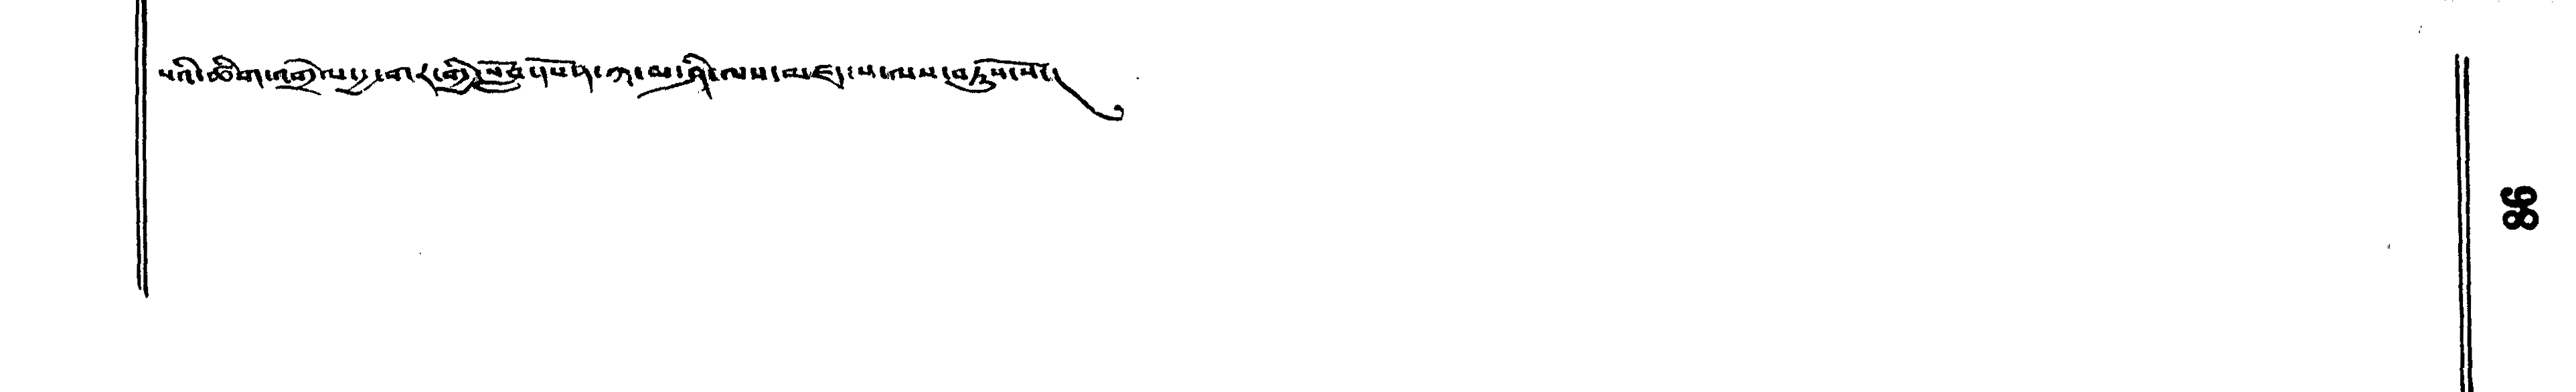པའི་ཚིག་འགྲེལ་རྒྱ་གར་གྱི་སློབ་དཔོན་ཀ་ཤི་ལས་མཛད་ལས་བཏུས་སོ།།